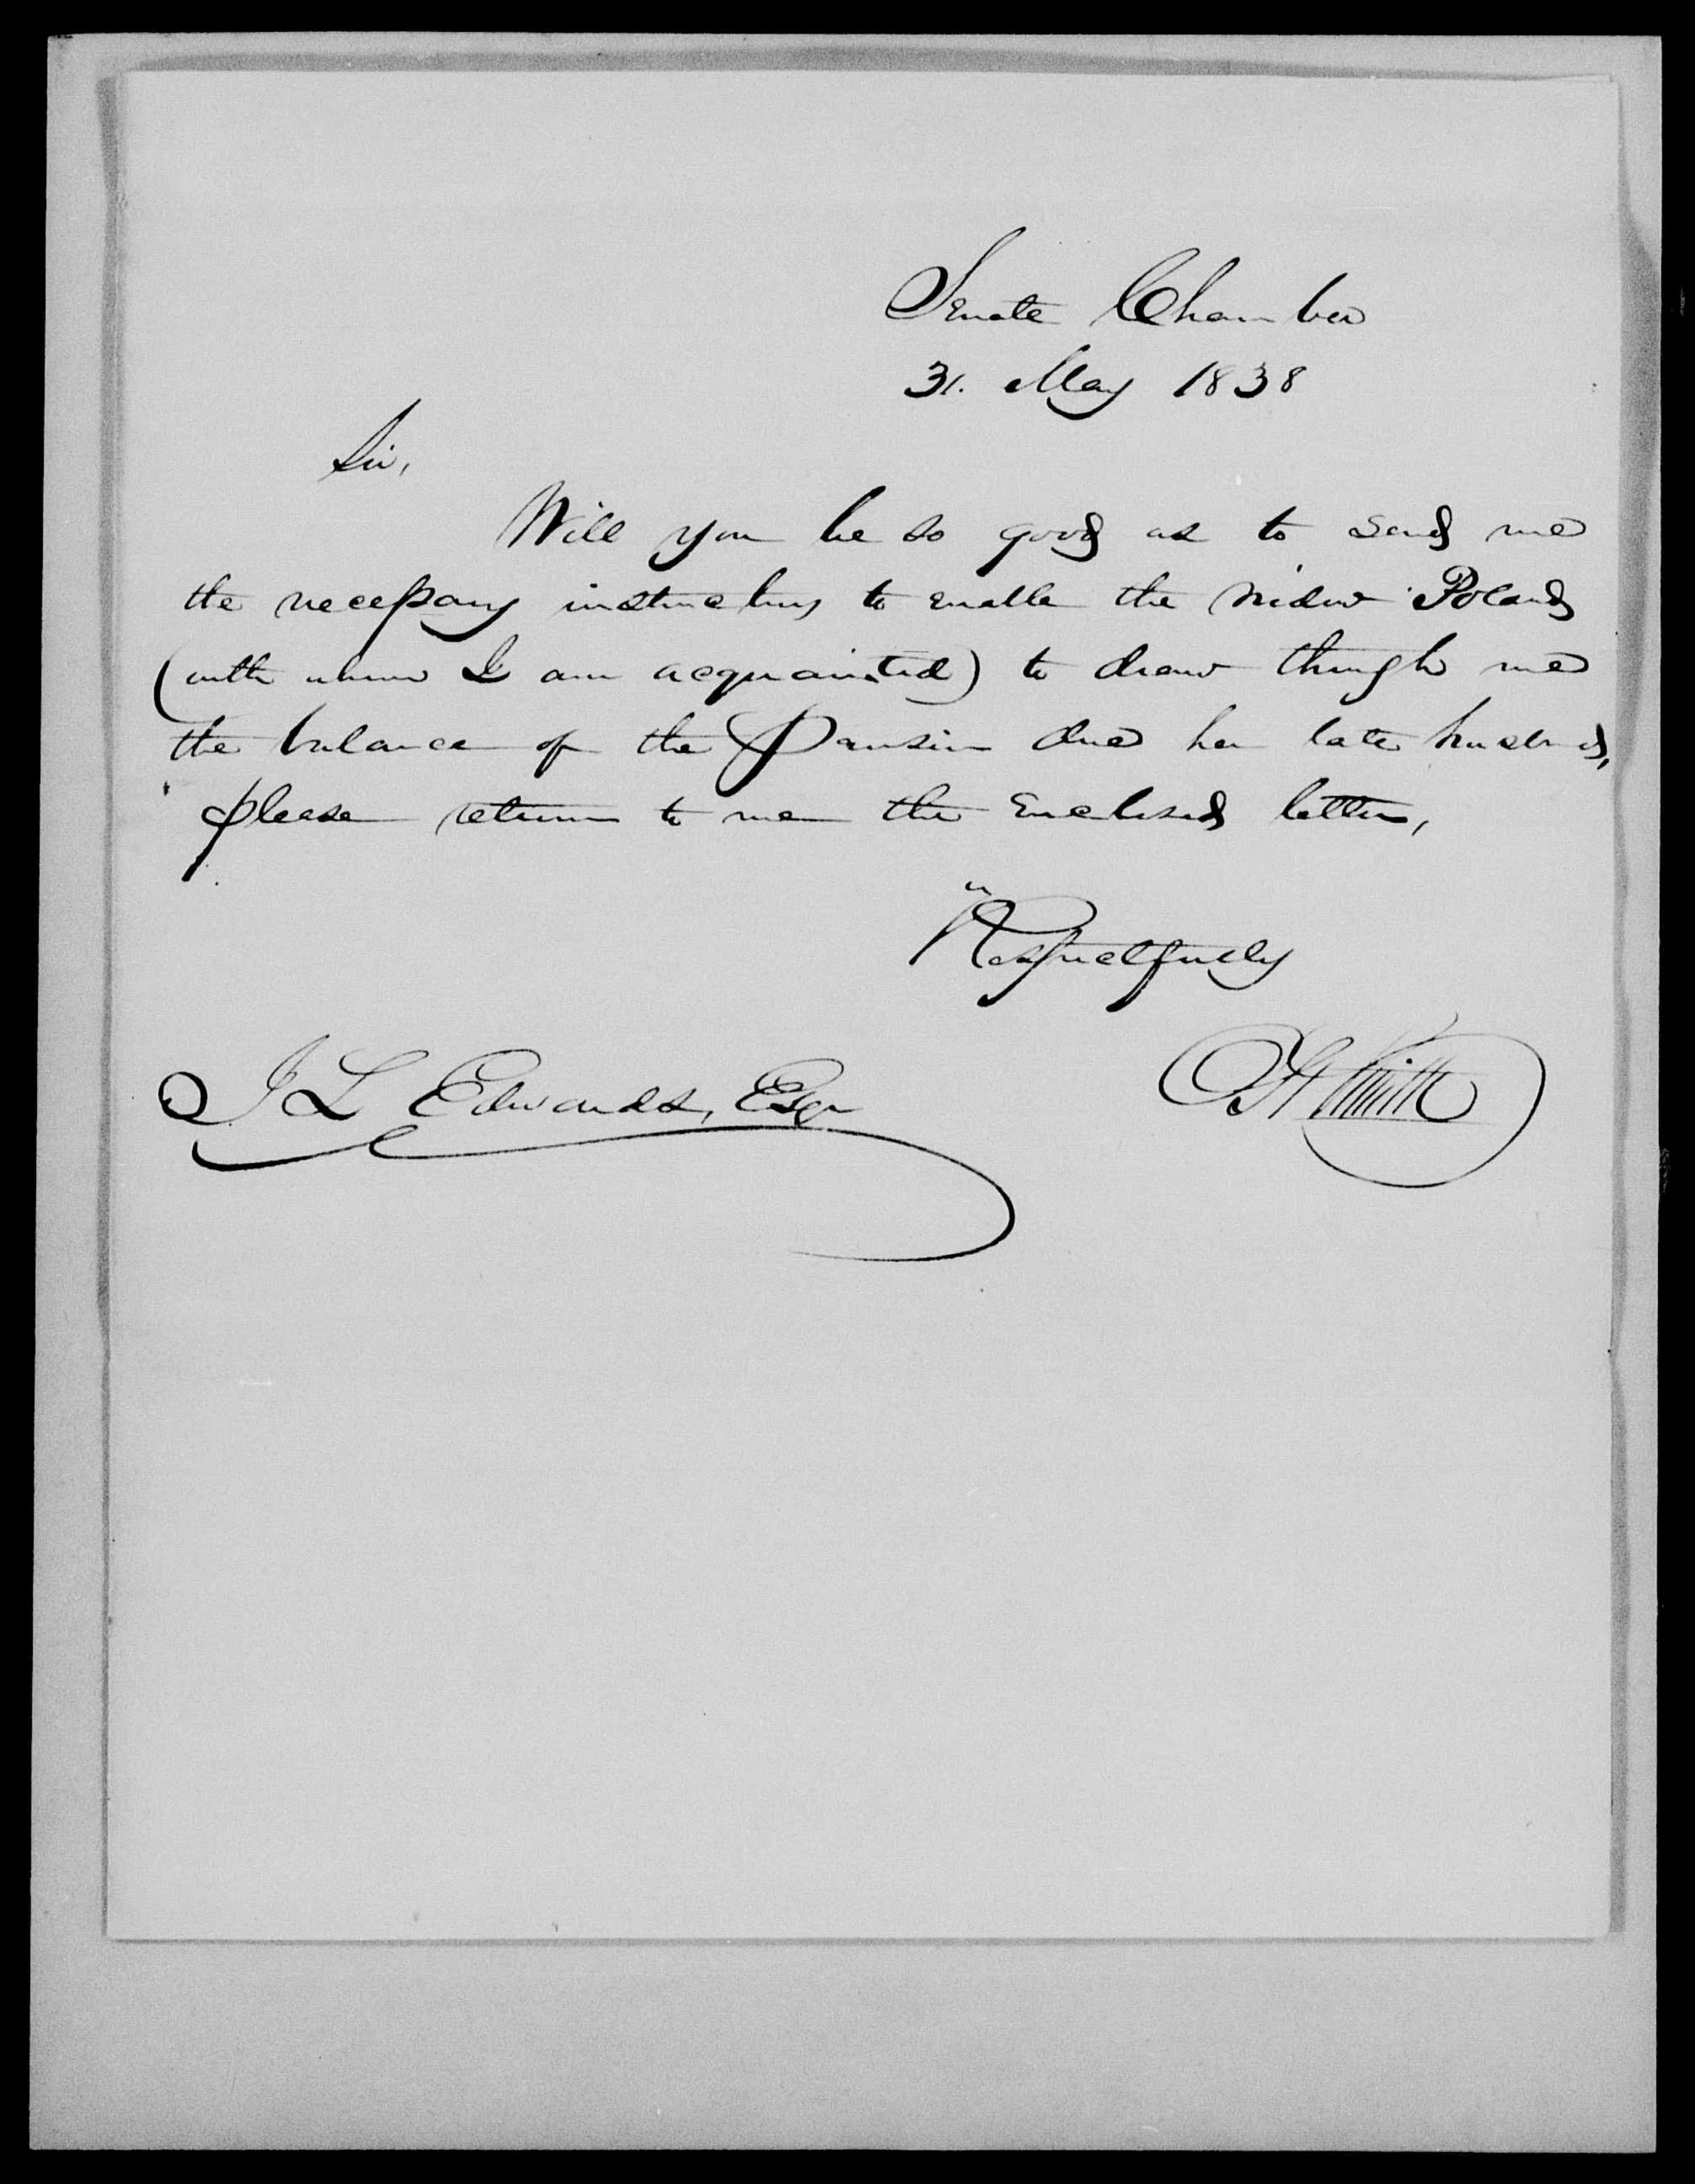Senate Chamber
31. May 1838
Sir,
Will you be so good as to send me the necessary instruction to enable the widow Poland (with whom I am acquainted) to draw through me the balance of the Pension due her late husband, please return to me the enclosed letter,
Respectfully,
O H Smith

J L Edwards, Esqr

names: [BLANK] Poland; O H Smith; J L Edwards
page: 18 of 21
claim: survivor's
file: S. 32453, for William Polen, Virginia